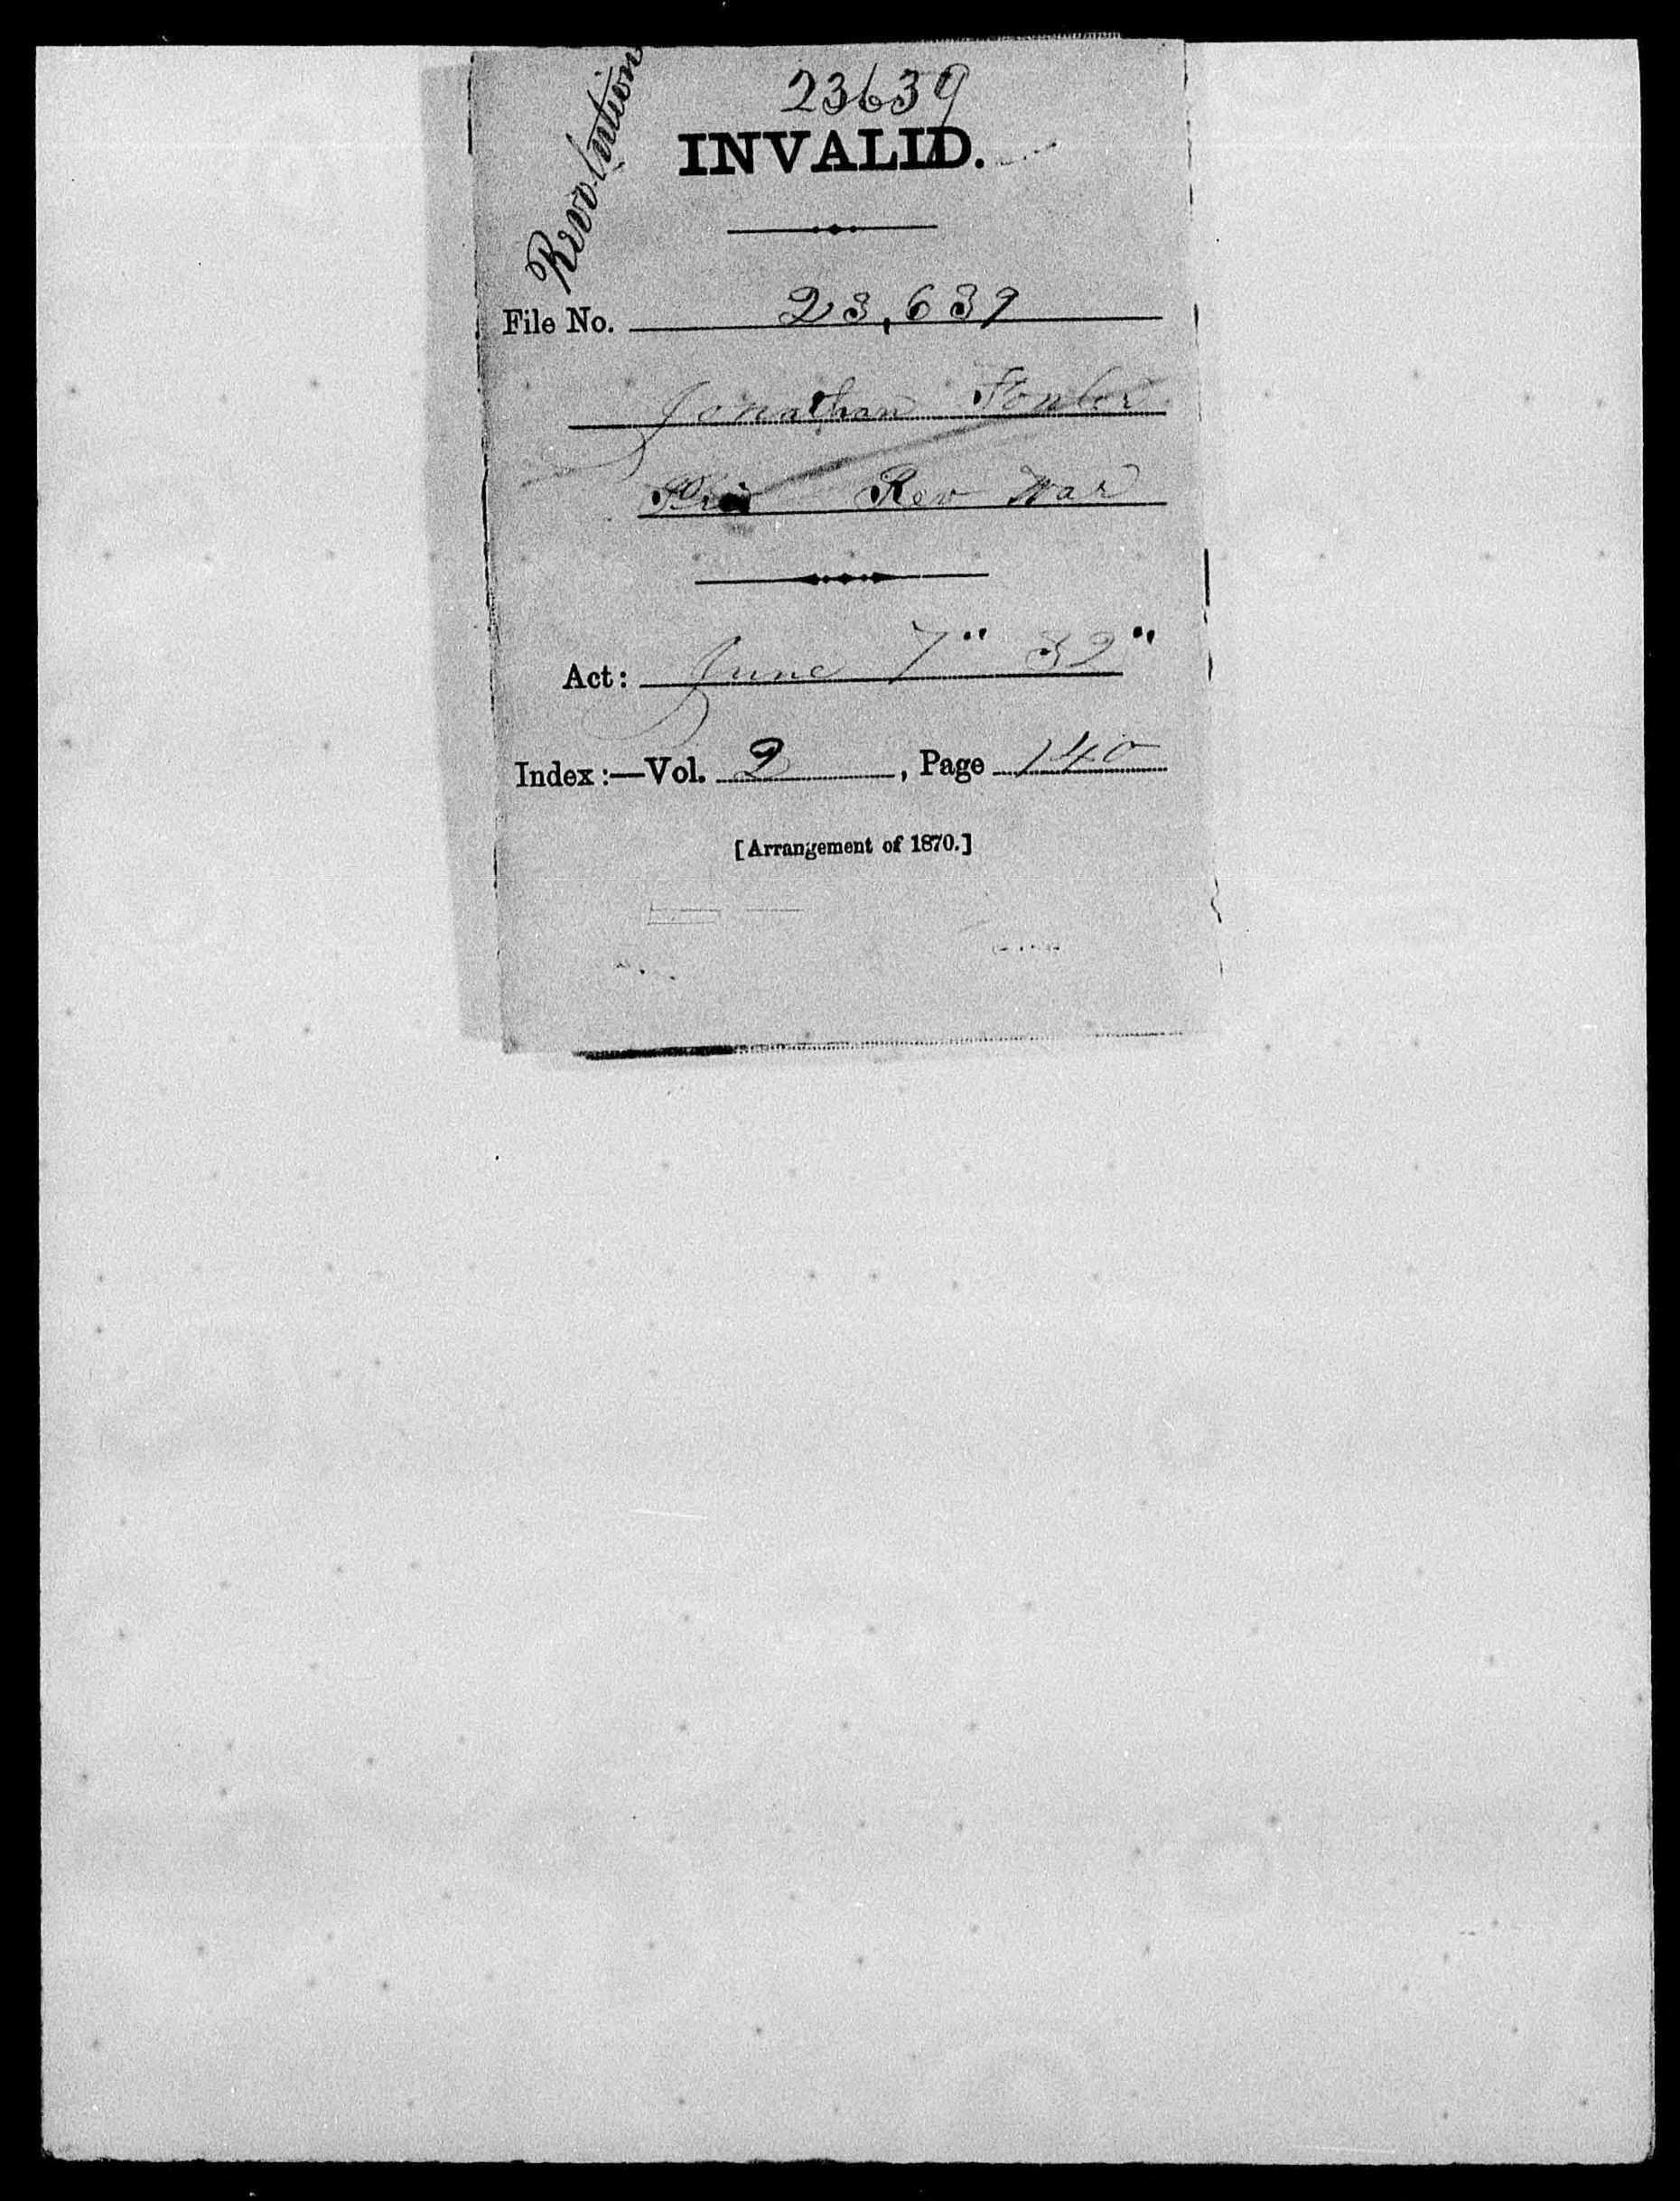Revolution
23639
INVALID
File No. 23,639
Jonathan Fowler
Pri Rev War
Act: June 7th 32
Index: Vol. 2, Page 140
[Arrangement of 1870.]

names: Jonathan Fowler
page: 16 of 44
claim: survivor's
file: S. 23639, Jonathan Fowler, New York